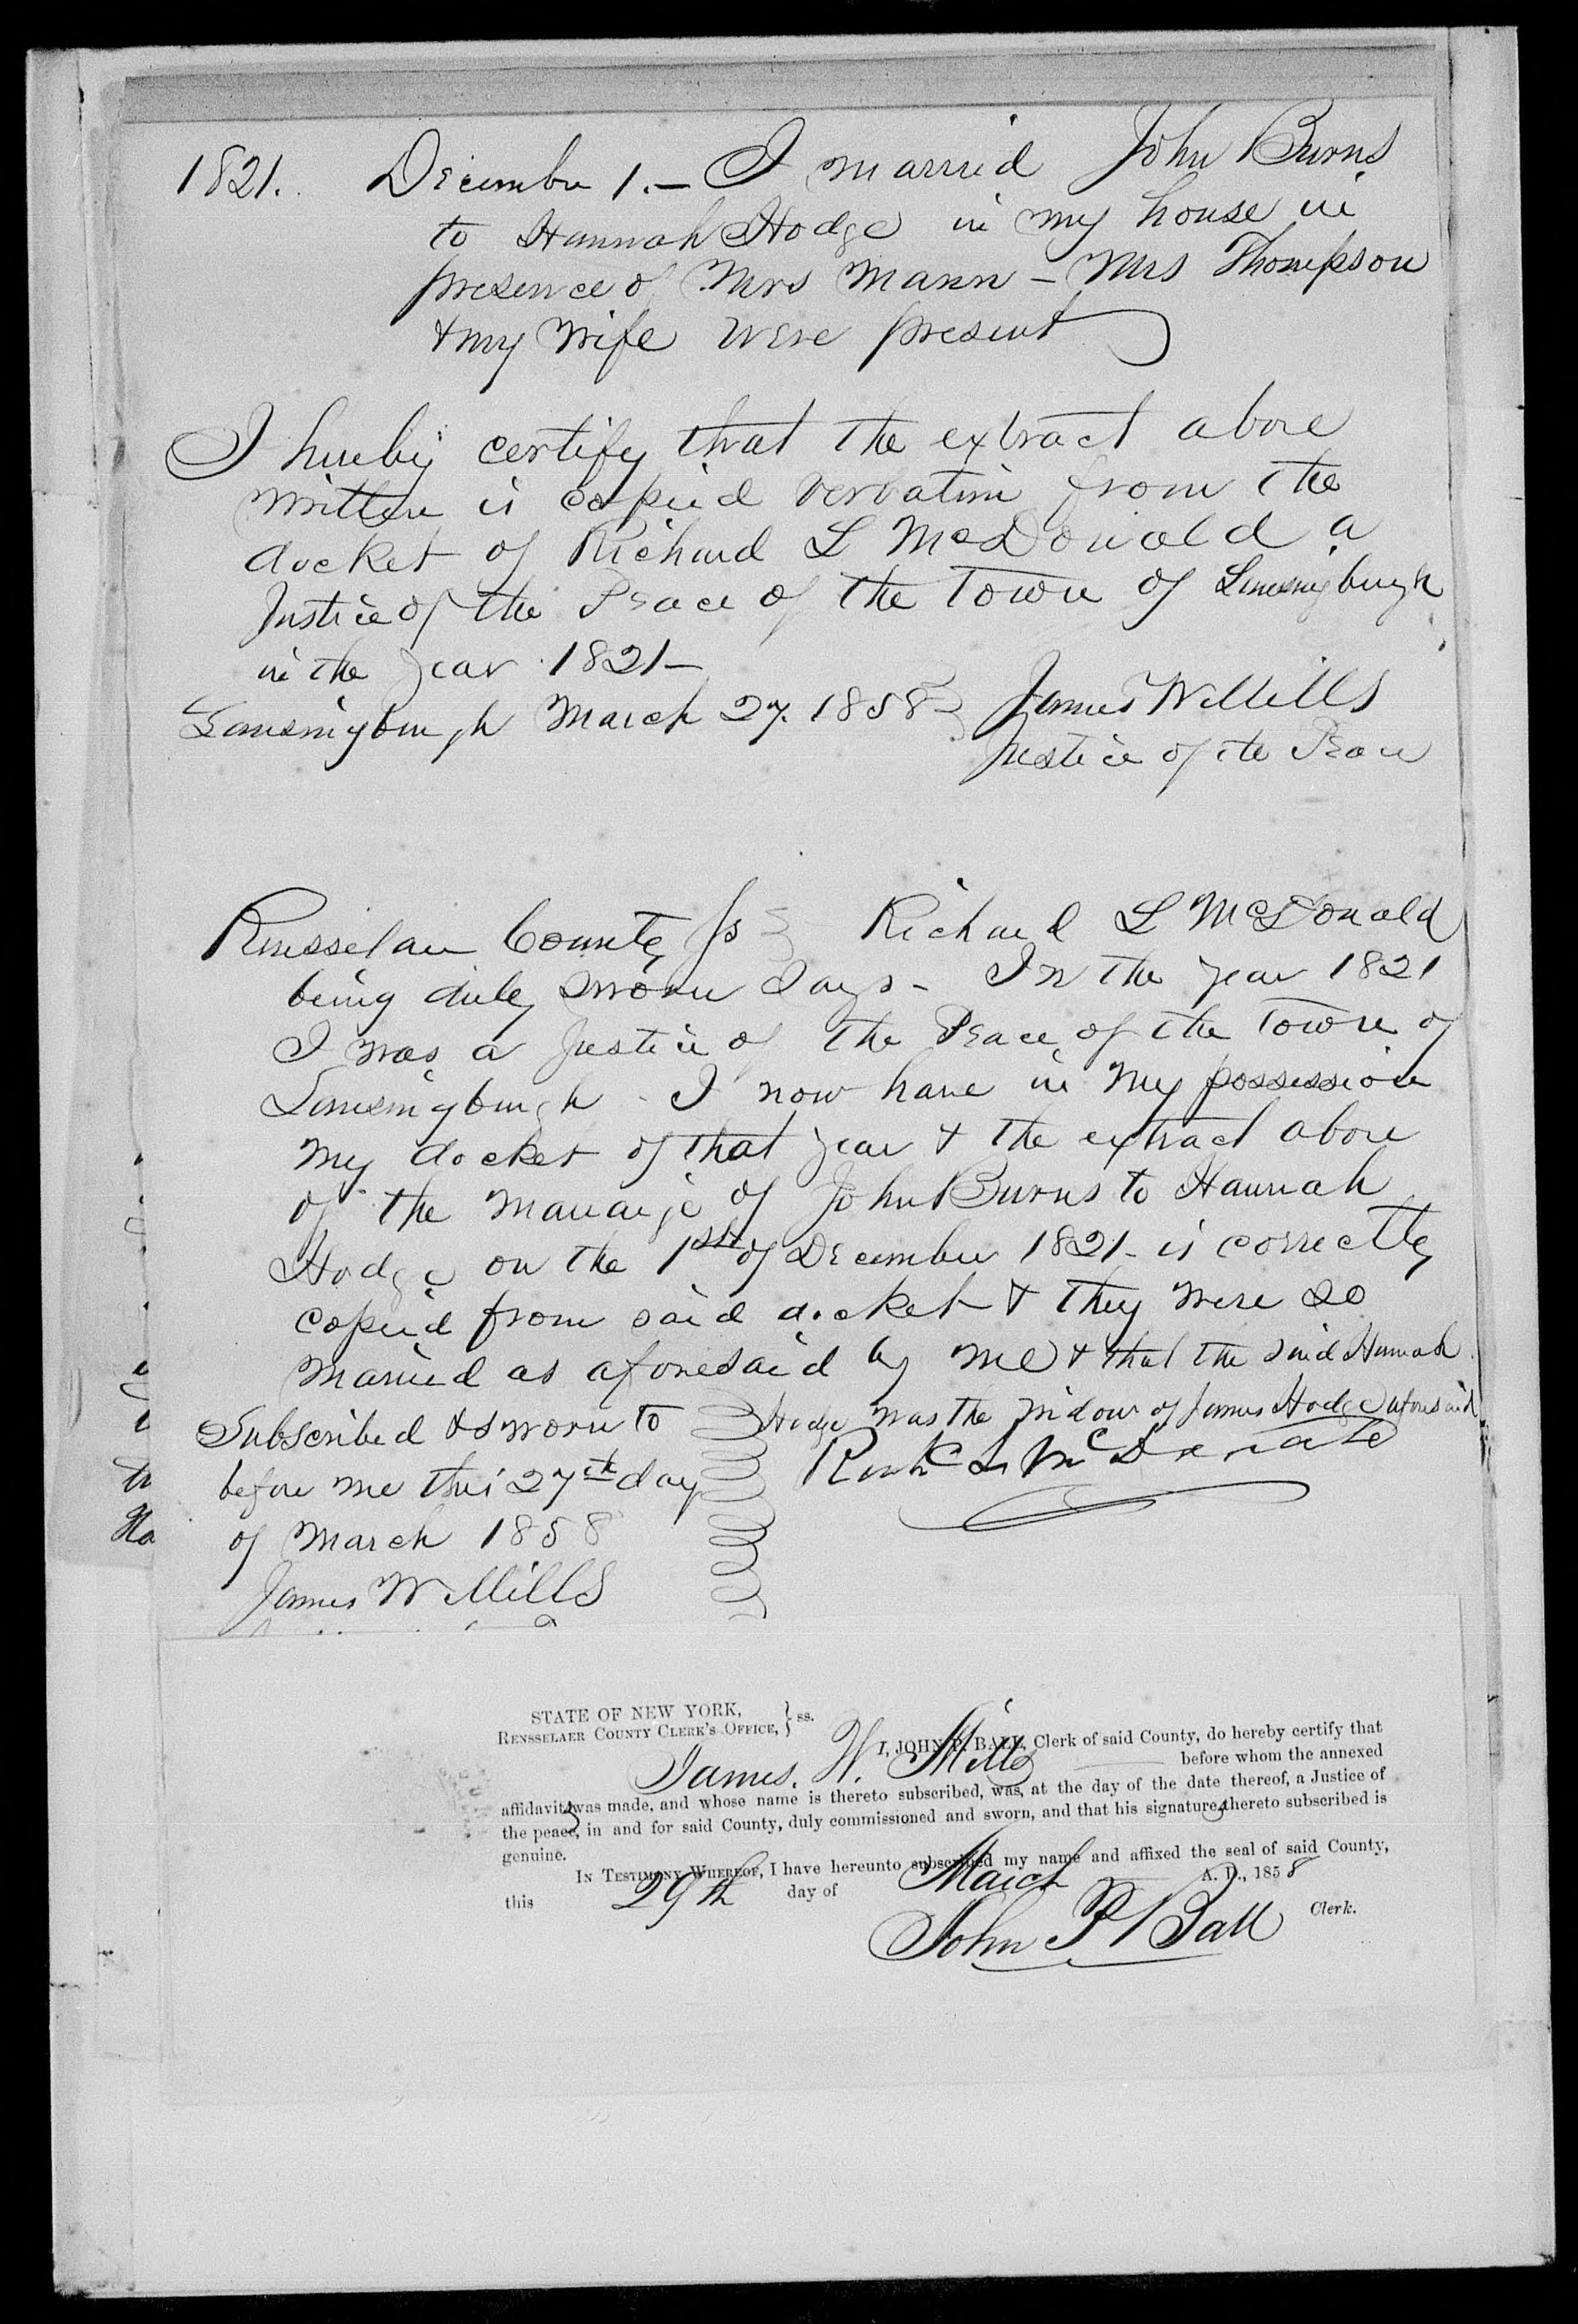1821 - December 1 - I married John Burnes to Hannah Hodge in my house in presence of Mrs Mann - Mrs Thompson + my wife were present
I hereby certify that the extract above (illegible) is copied verbatim from the docket of Richard L McDonald a Justice of the Peace of the town of Lansingburgh in the year 1821.
Lansingburgh March 27 1858 James W Mills
Justice of the Peace
Renesselaer County Richard L McDonald being duly sworn says in the year 1821 I was a Justice of the Peace of the town of Lansingburgh. I now have in my possession my docket of that year + the extract above of the marriage of John Burnes to Hannah Hodge on the 1st of December 1821 is correctly copied from said docket + they were so married as aforesaid by me + that the said Hannah Hodge was the widow of James Hodge (illegible).
Subscribed + sworn to before me this 27th day of March 1858
James W Mills

James W. Mills
29th day of March 
John P Ball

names: John Burns, Richard L Mc Donald, Hannah Hodge, John P Ball, John P Ball, Hannah Hodge, James W Mills, Hannah Hodge, Richd L Mc Donald, John Burns, James W Mills, James Hodge, Richard L Mc Donald, Mann, Thompson, James W Mills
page: 43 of 48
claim: widow's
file: W. 10476, James Hodge, New York